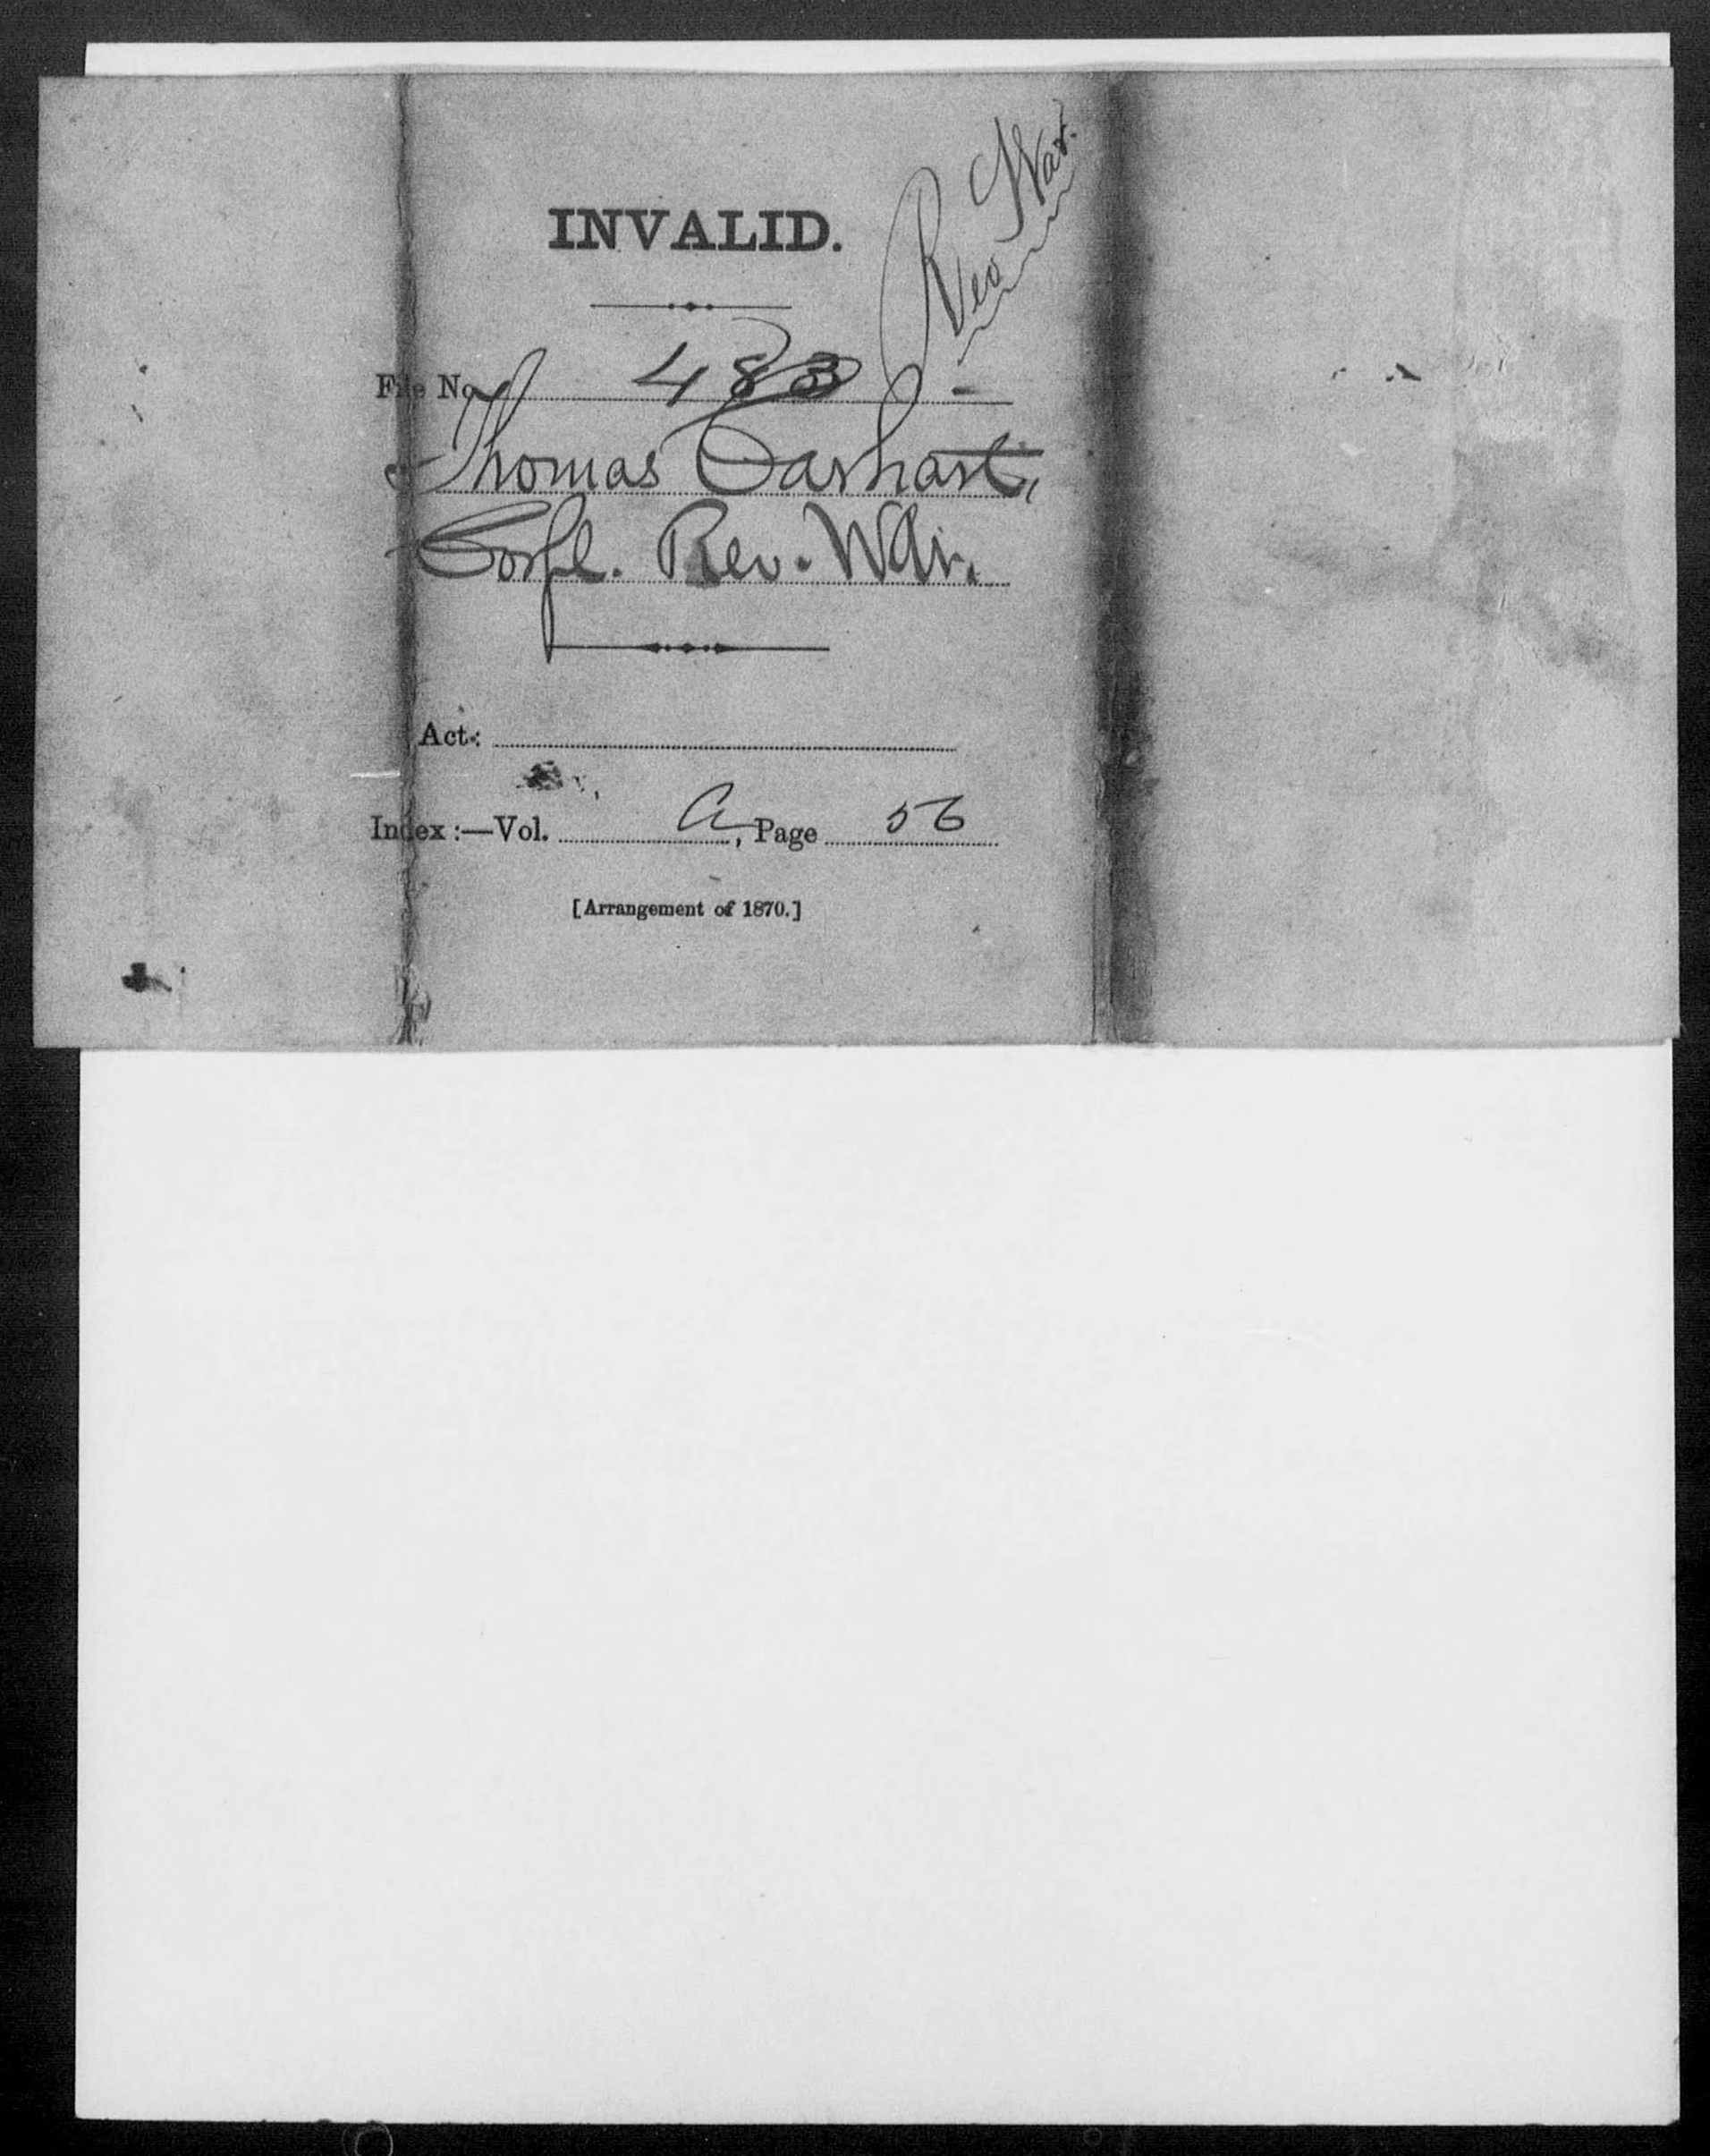(This is a pre-printed form.)

INVALID. Rev War.

___

File No 483

Thomas Carhart,

Corpl Rev. War.

___

Act: ___

Index: _ Vol. A, Page 56

[Arrangement of 1870.]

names: Thomas Carhart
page: 7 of 7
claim: survivor's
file: S. 483, Thomas Carhart, New Jersey